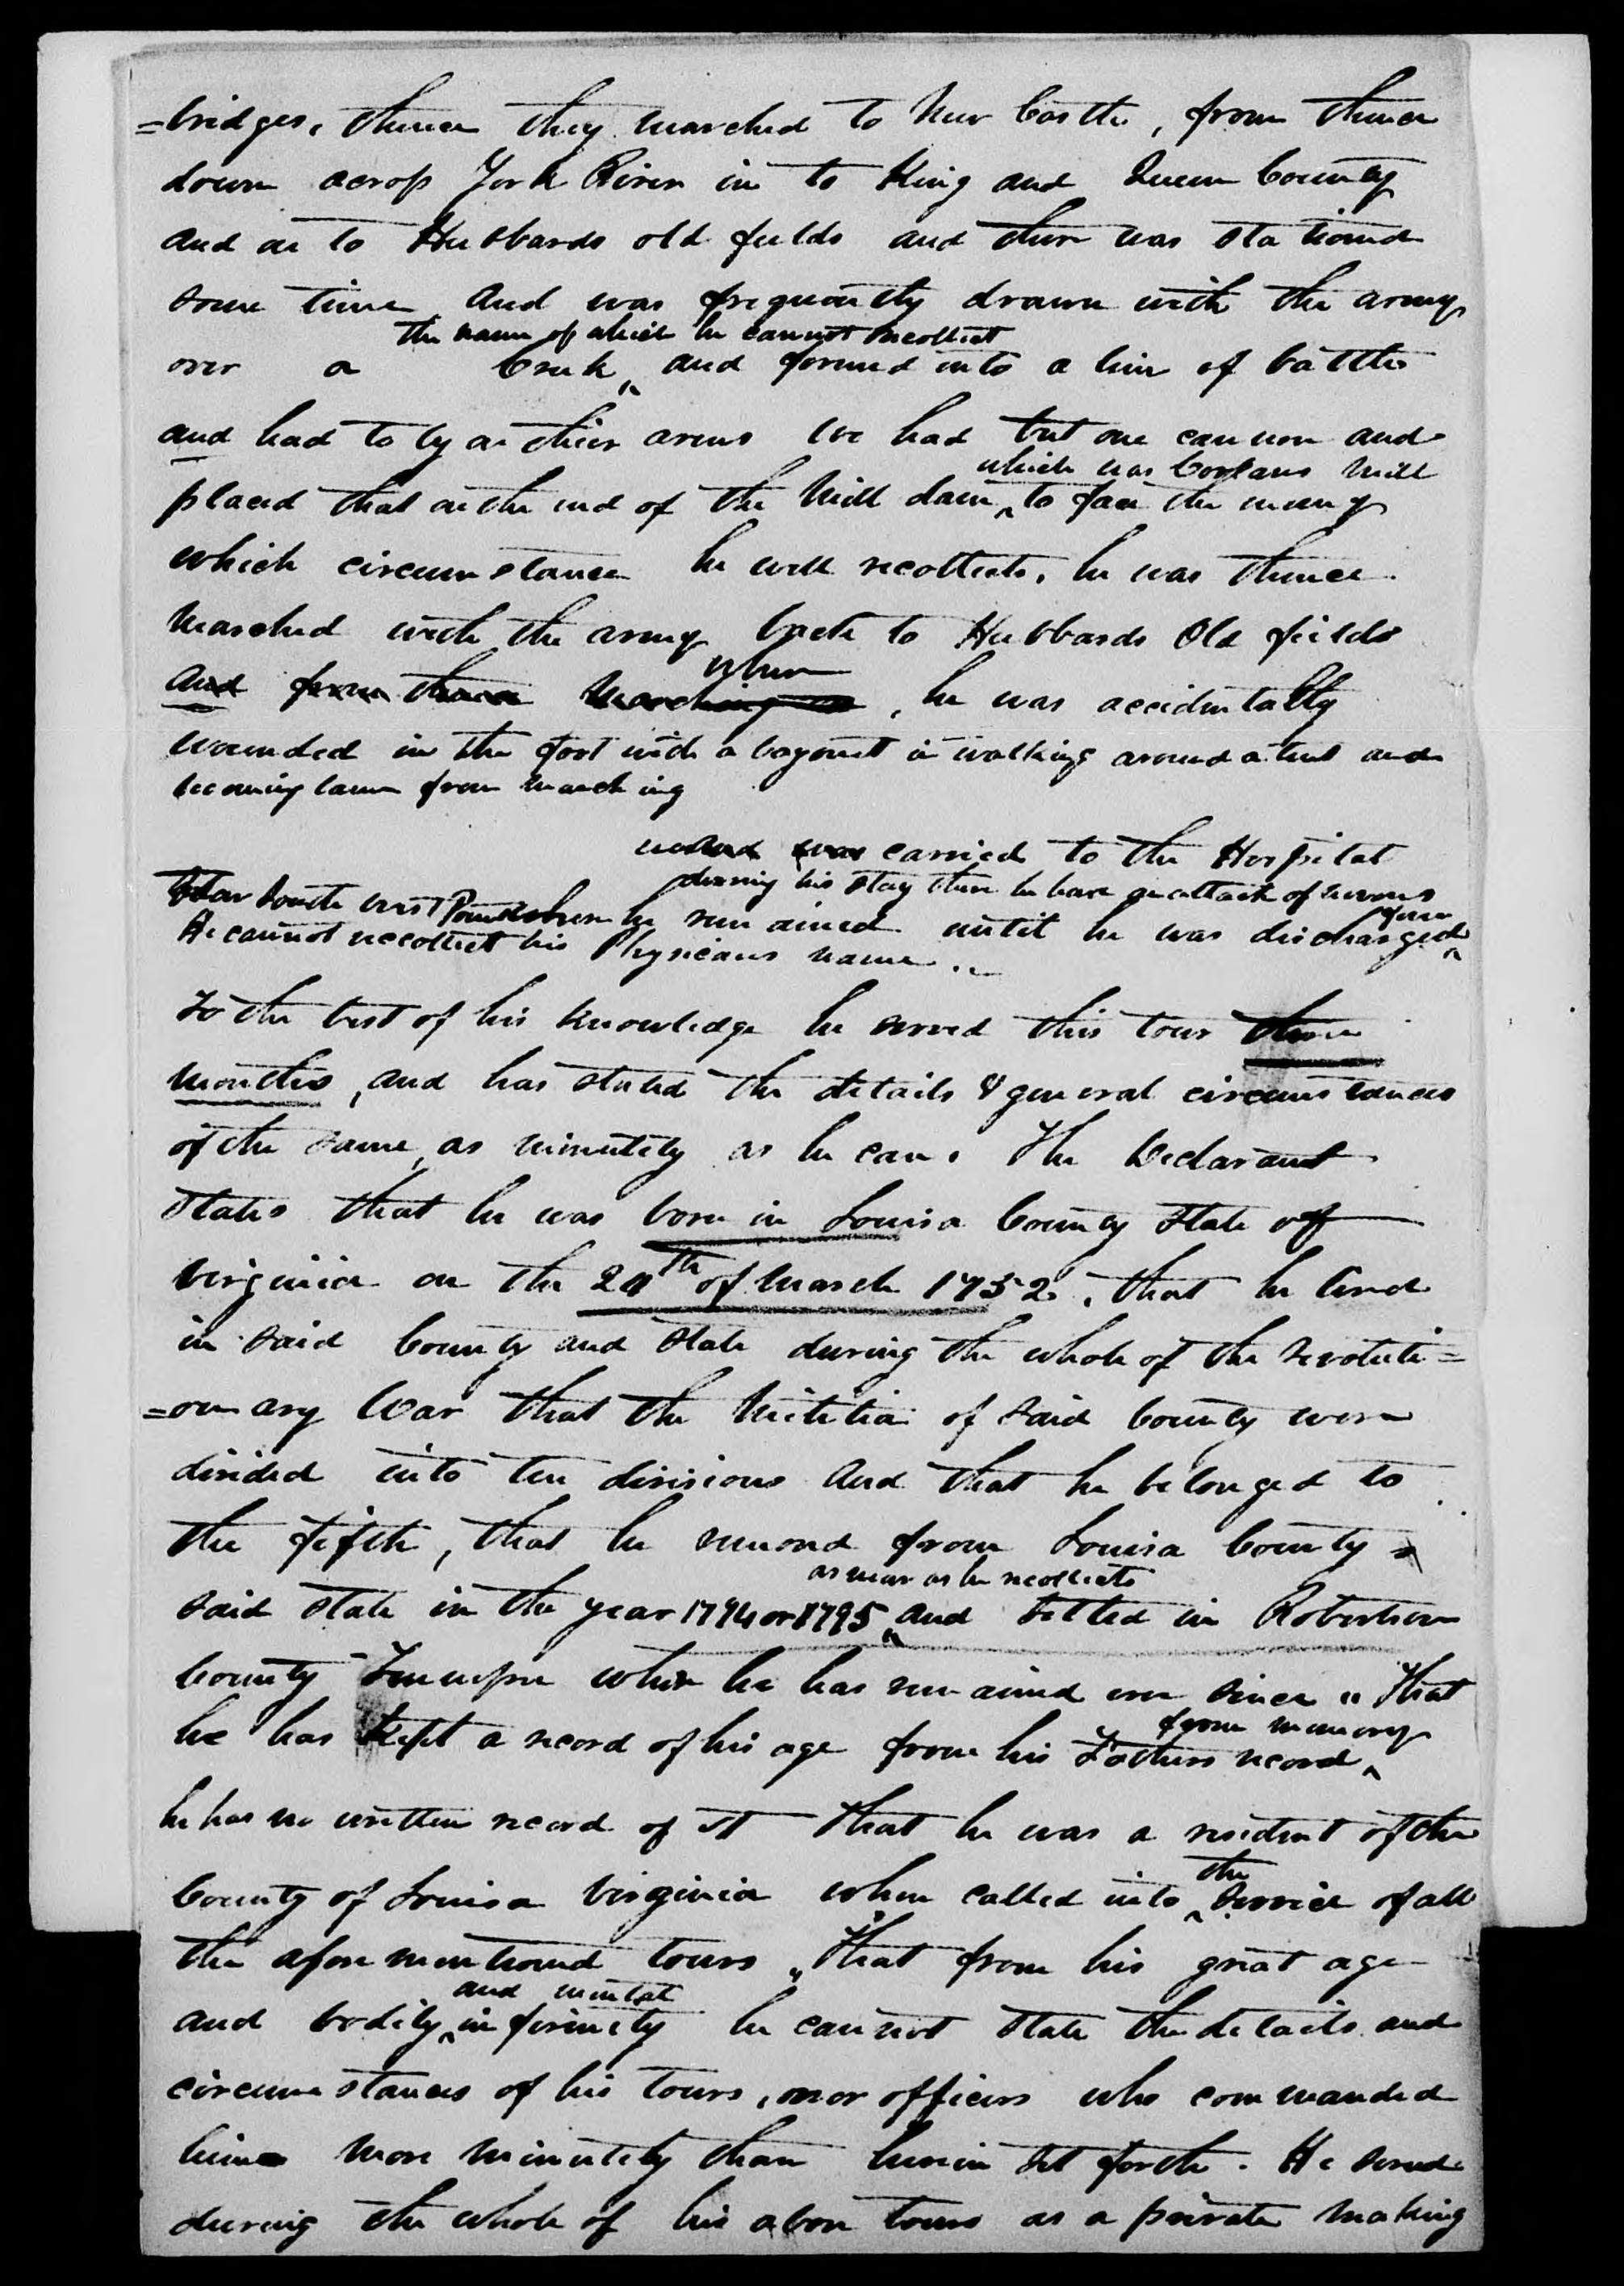bridge, thence they marched to New Corth, from thence down across York River in to King and Queen County and as to Hubbards old fields and then was stationed some time, and was frequently drawn with the army over a Creek the name of which he cannot recollect and formed into a line of battle and had to ly as their arms we had but one cannon and placed that at the end of the Mill Law which was Confans Mill to face the enemy which circumstances he well recollects, he was thence marched with the army back to Hubbards Old field and here he was accidentally wounded in the fort with a bayonet a walking around a turn and becoming lame from marching carried to the Hospital during his stay there he bore [illegible] South [illegible] he near aimed until he was discharged [illegible] He cannot recollect his Physicians name.
To the best of his knowledge he served this tour three months, and has stated the details & general circumstances of the same as minutely as he can. The Declarant states that he was born in Louisa County state of Virginia on the 24th of March 1752, that he lived in said County and State during the whole of the revolutionary War that the Militia of said County were divided into ten divisions and that he belonged to the fifth, that he moved from Louisa County said state in the year 1794 or 1795 as near as he recollects and settled in Robertson County Tennessee where he has remained ever since ,, That he has kept a record of his age from his Fathers record from memory he has no written record of it that he was a resident of the County of Louisa Virginia when called into the service of all the aforementioned tours, That from his great age and bodily and mental infirmity he cannot state the details and circumstances of his tours, nor officers who commanded him more minutely than herein set forth. He served during the whole of his above tours as a private making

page: 5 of 47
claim: survivor's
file: S. 3,322, William Edwards, Va.